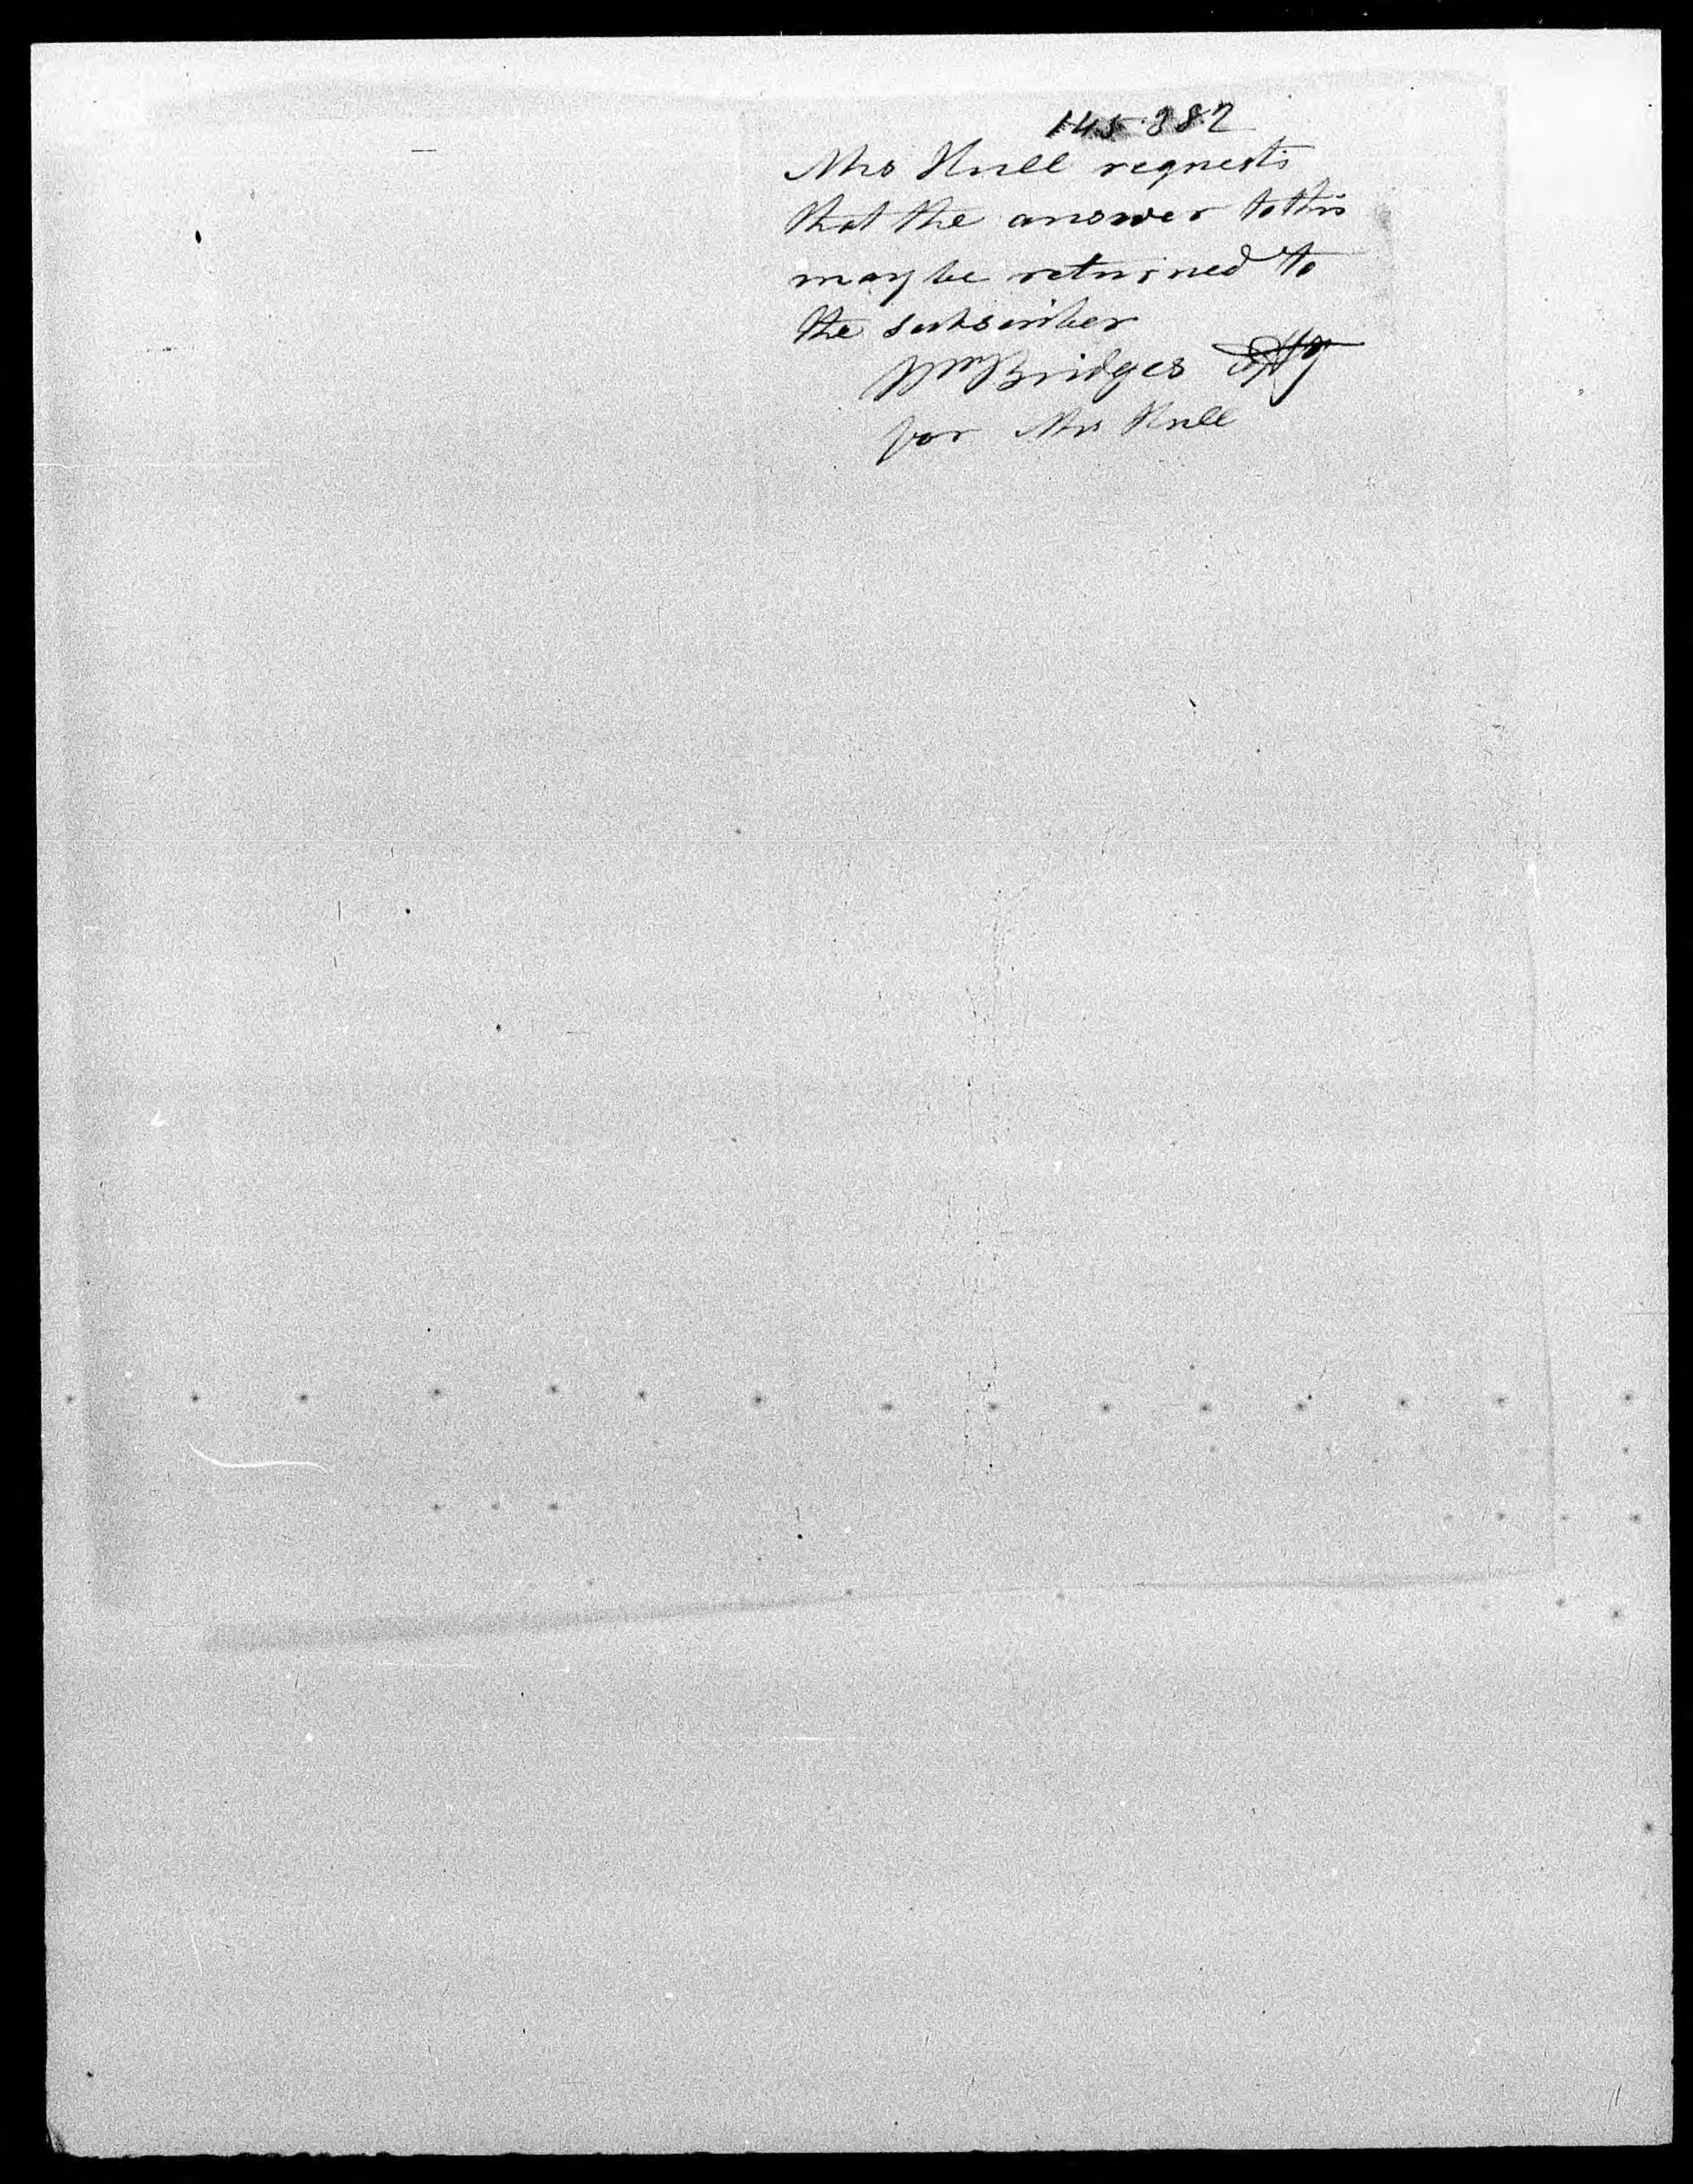145.382
Ms Hull requests that the mover to this may be returned to the said subscriber.
Wm. Bridges
for Mrs. Hull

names: Wm Bridges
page: 9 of 58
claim: widow's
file: W. 25813, Jehiel Hull, Conn.